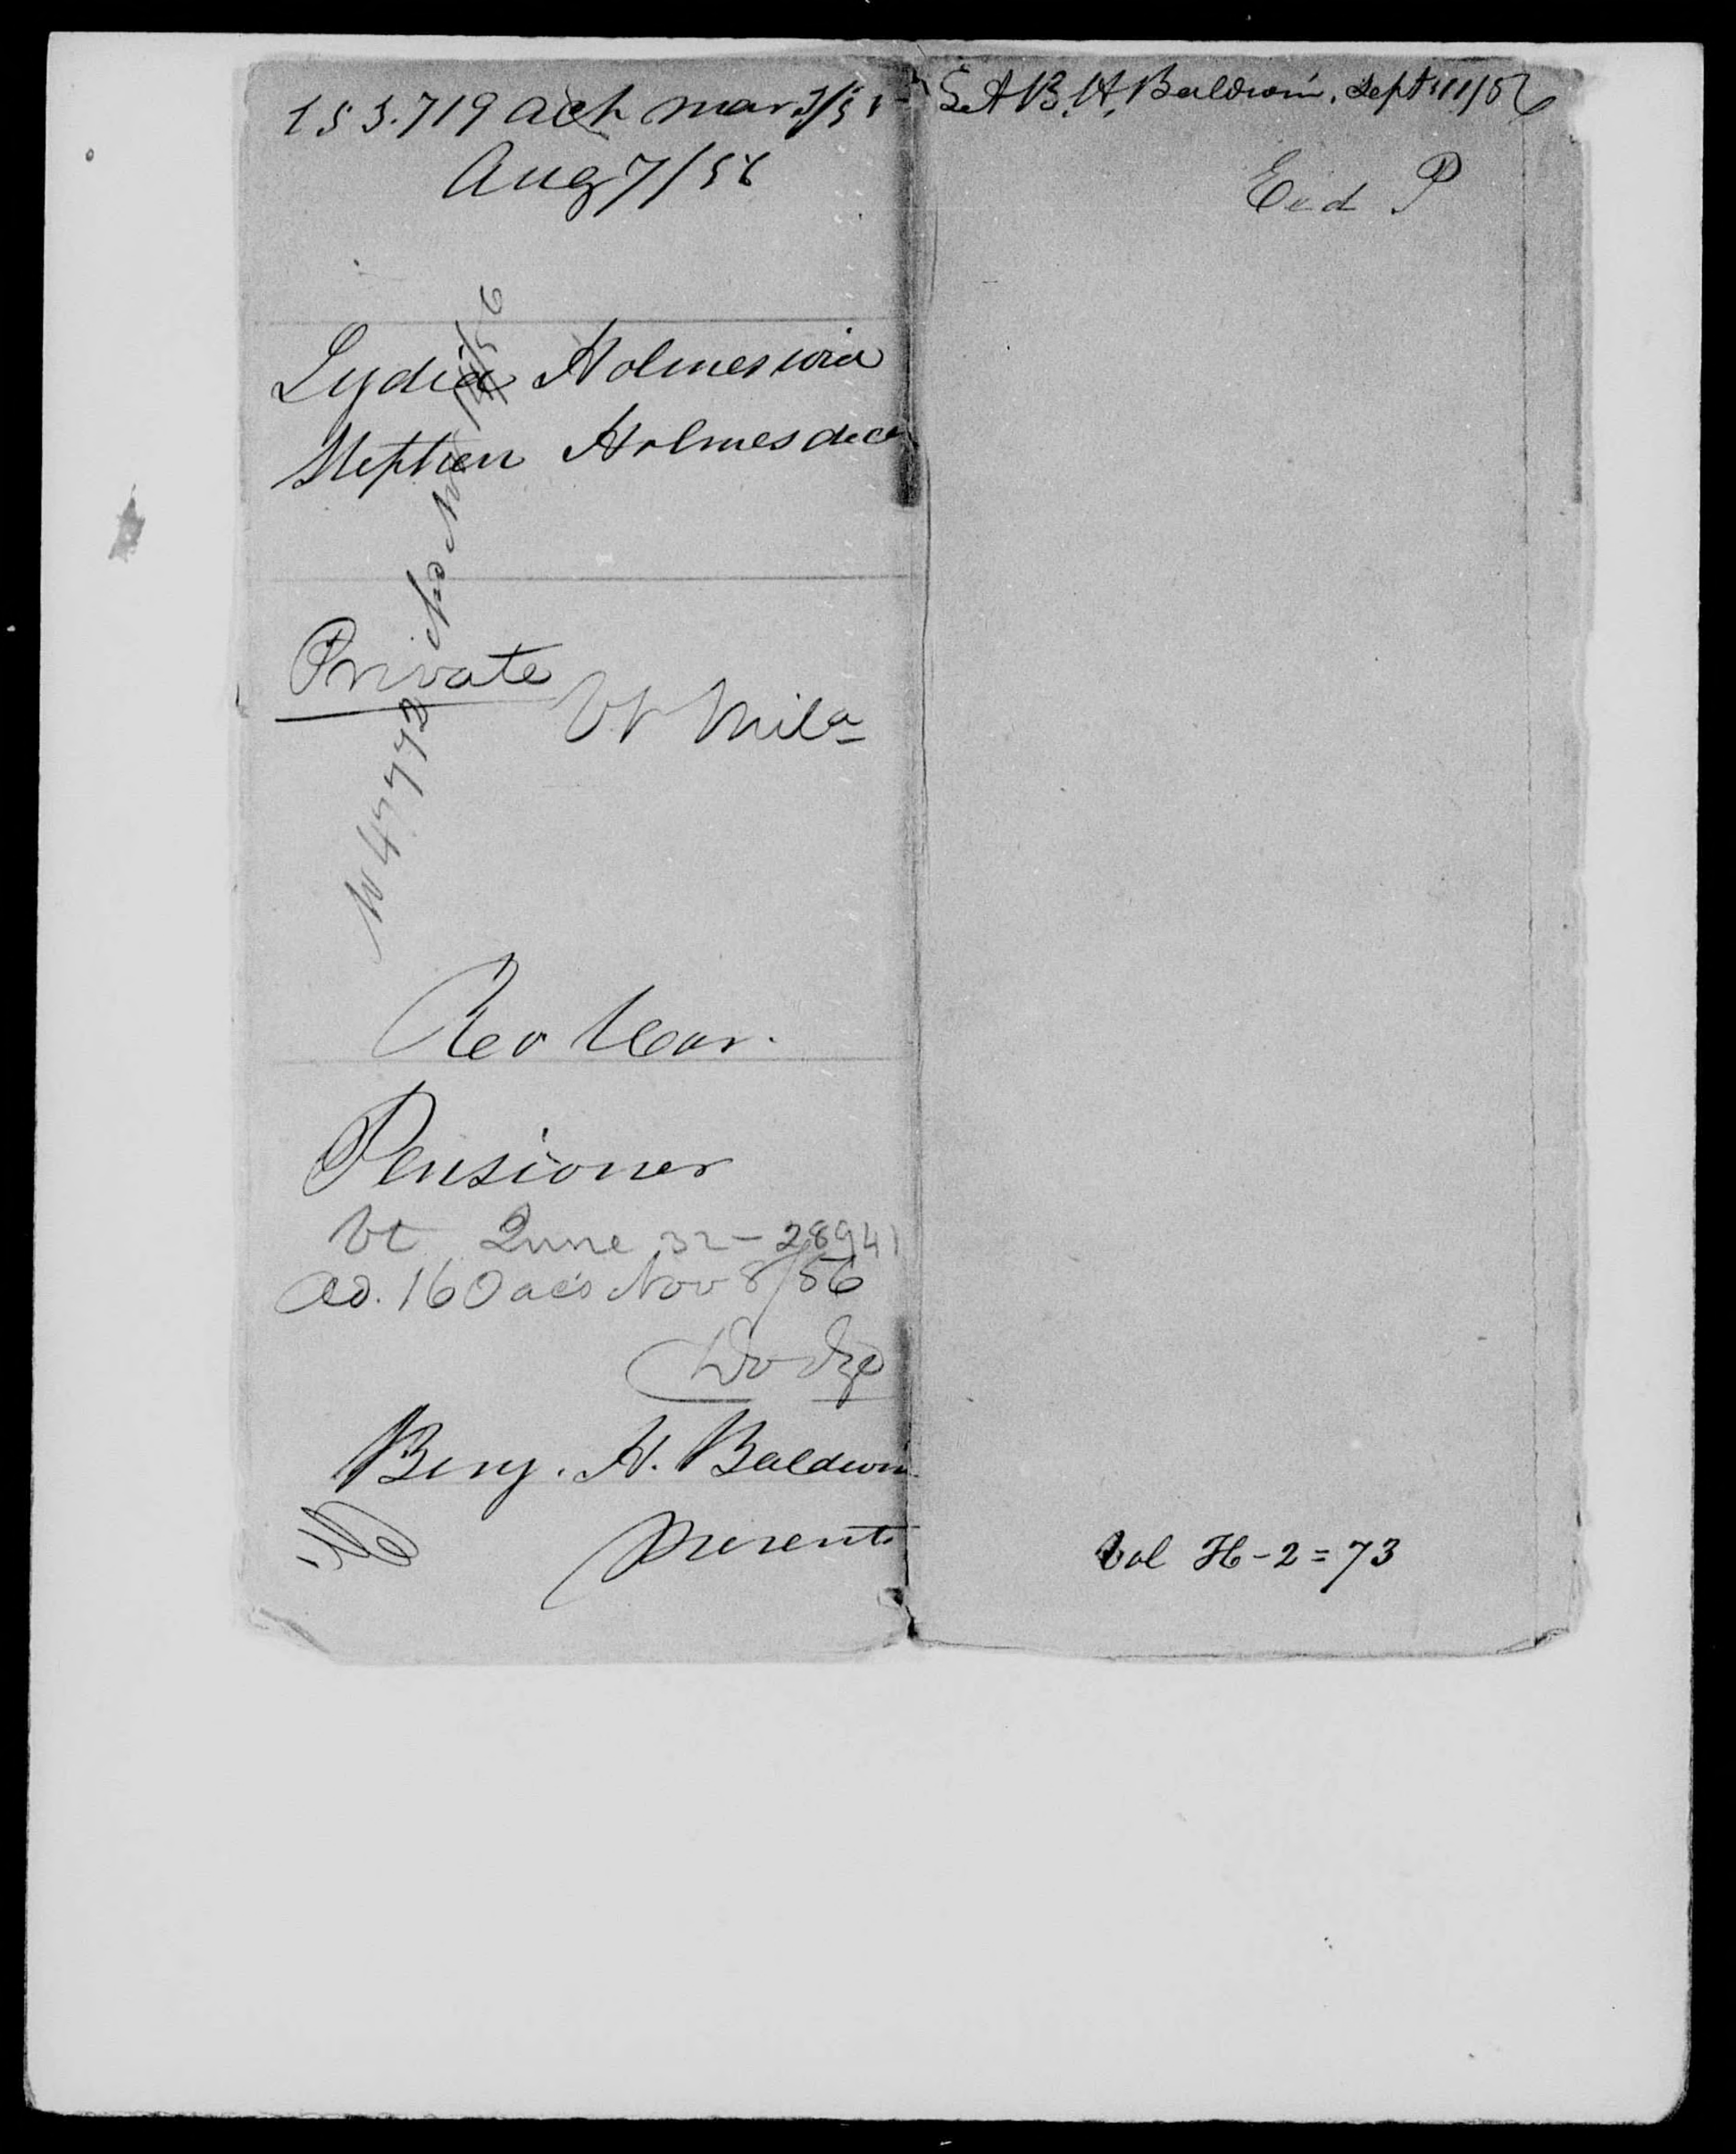T S S 719 Act Mar 3/
Aug 7/56

Lydia Holmes wid
Stephen Holmes dec

Private
Vt Mila

W 47772  pd Mr 14/56

Rev War

Pensioner
Vt June 32 - 28941
Ad. 160 ac's Nov 8/56
Dodge
Benj. H. Baldwin
Present

[illegible]B. H. Baldwin, Sept 11/56
E[illegible]d P

Vol H-2=73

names: B H Baldwin, Benj H Baldwin, Lydia Holmes, Stephen Holmes, Dodge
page: 4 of 72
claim: widow's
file: W. 7771, Stephen Holmes, Vt.